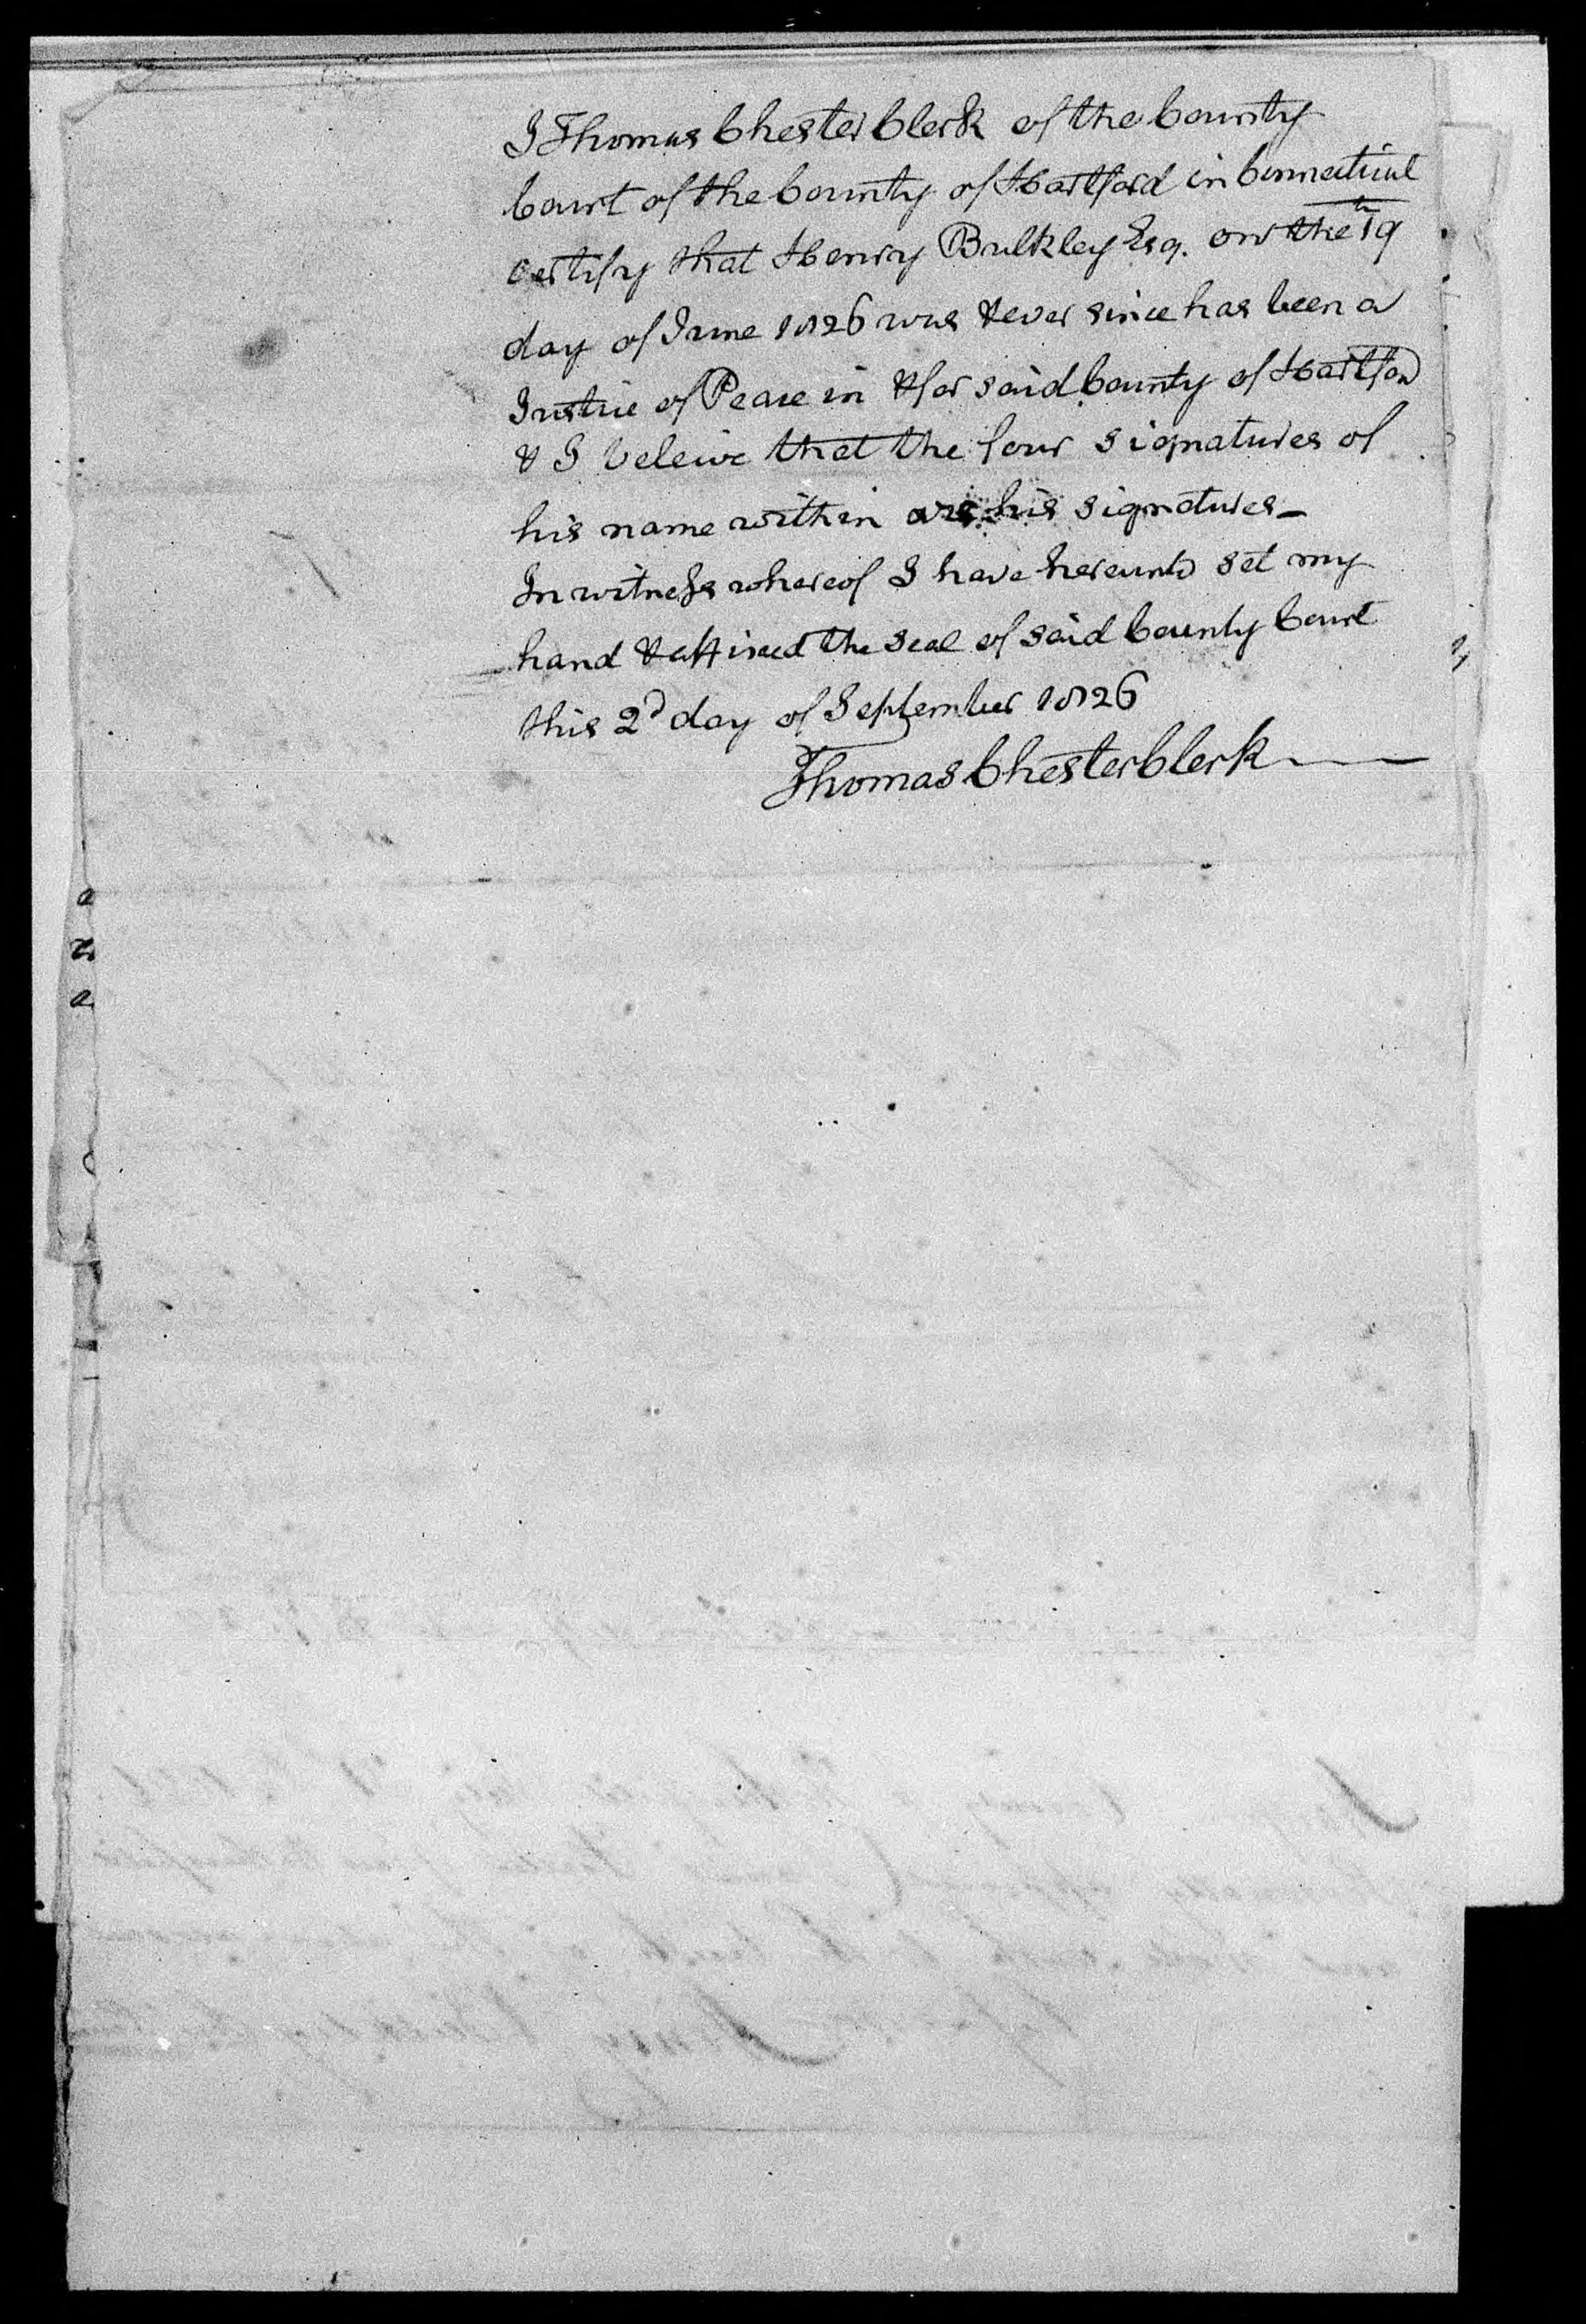I Thomas Chester Clerk of the County Court of the county of Hartford in Connecticut certify that Henry Bulkley Esq on the 19th day of June 1826 was & ever since has been a Justice of Peace in & for said County of Hartford & I believe that the four signatures of his name written are his signatures.
In witness whereof I have hereunto set my hand & affixed the seal of said County Court this 2nd day of September 1826.
Thomas Chester Clerk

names: Thomas Chester, Henry Bulkley, Thomas Chester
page: 40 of 46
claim: survivor's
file: S. 36,556, Ichabod Goodrich, Conn.